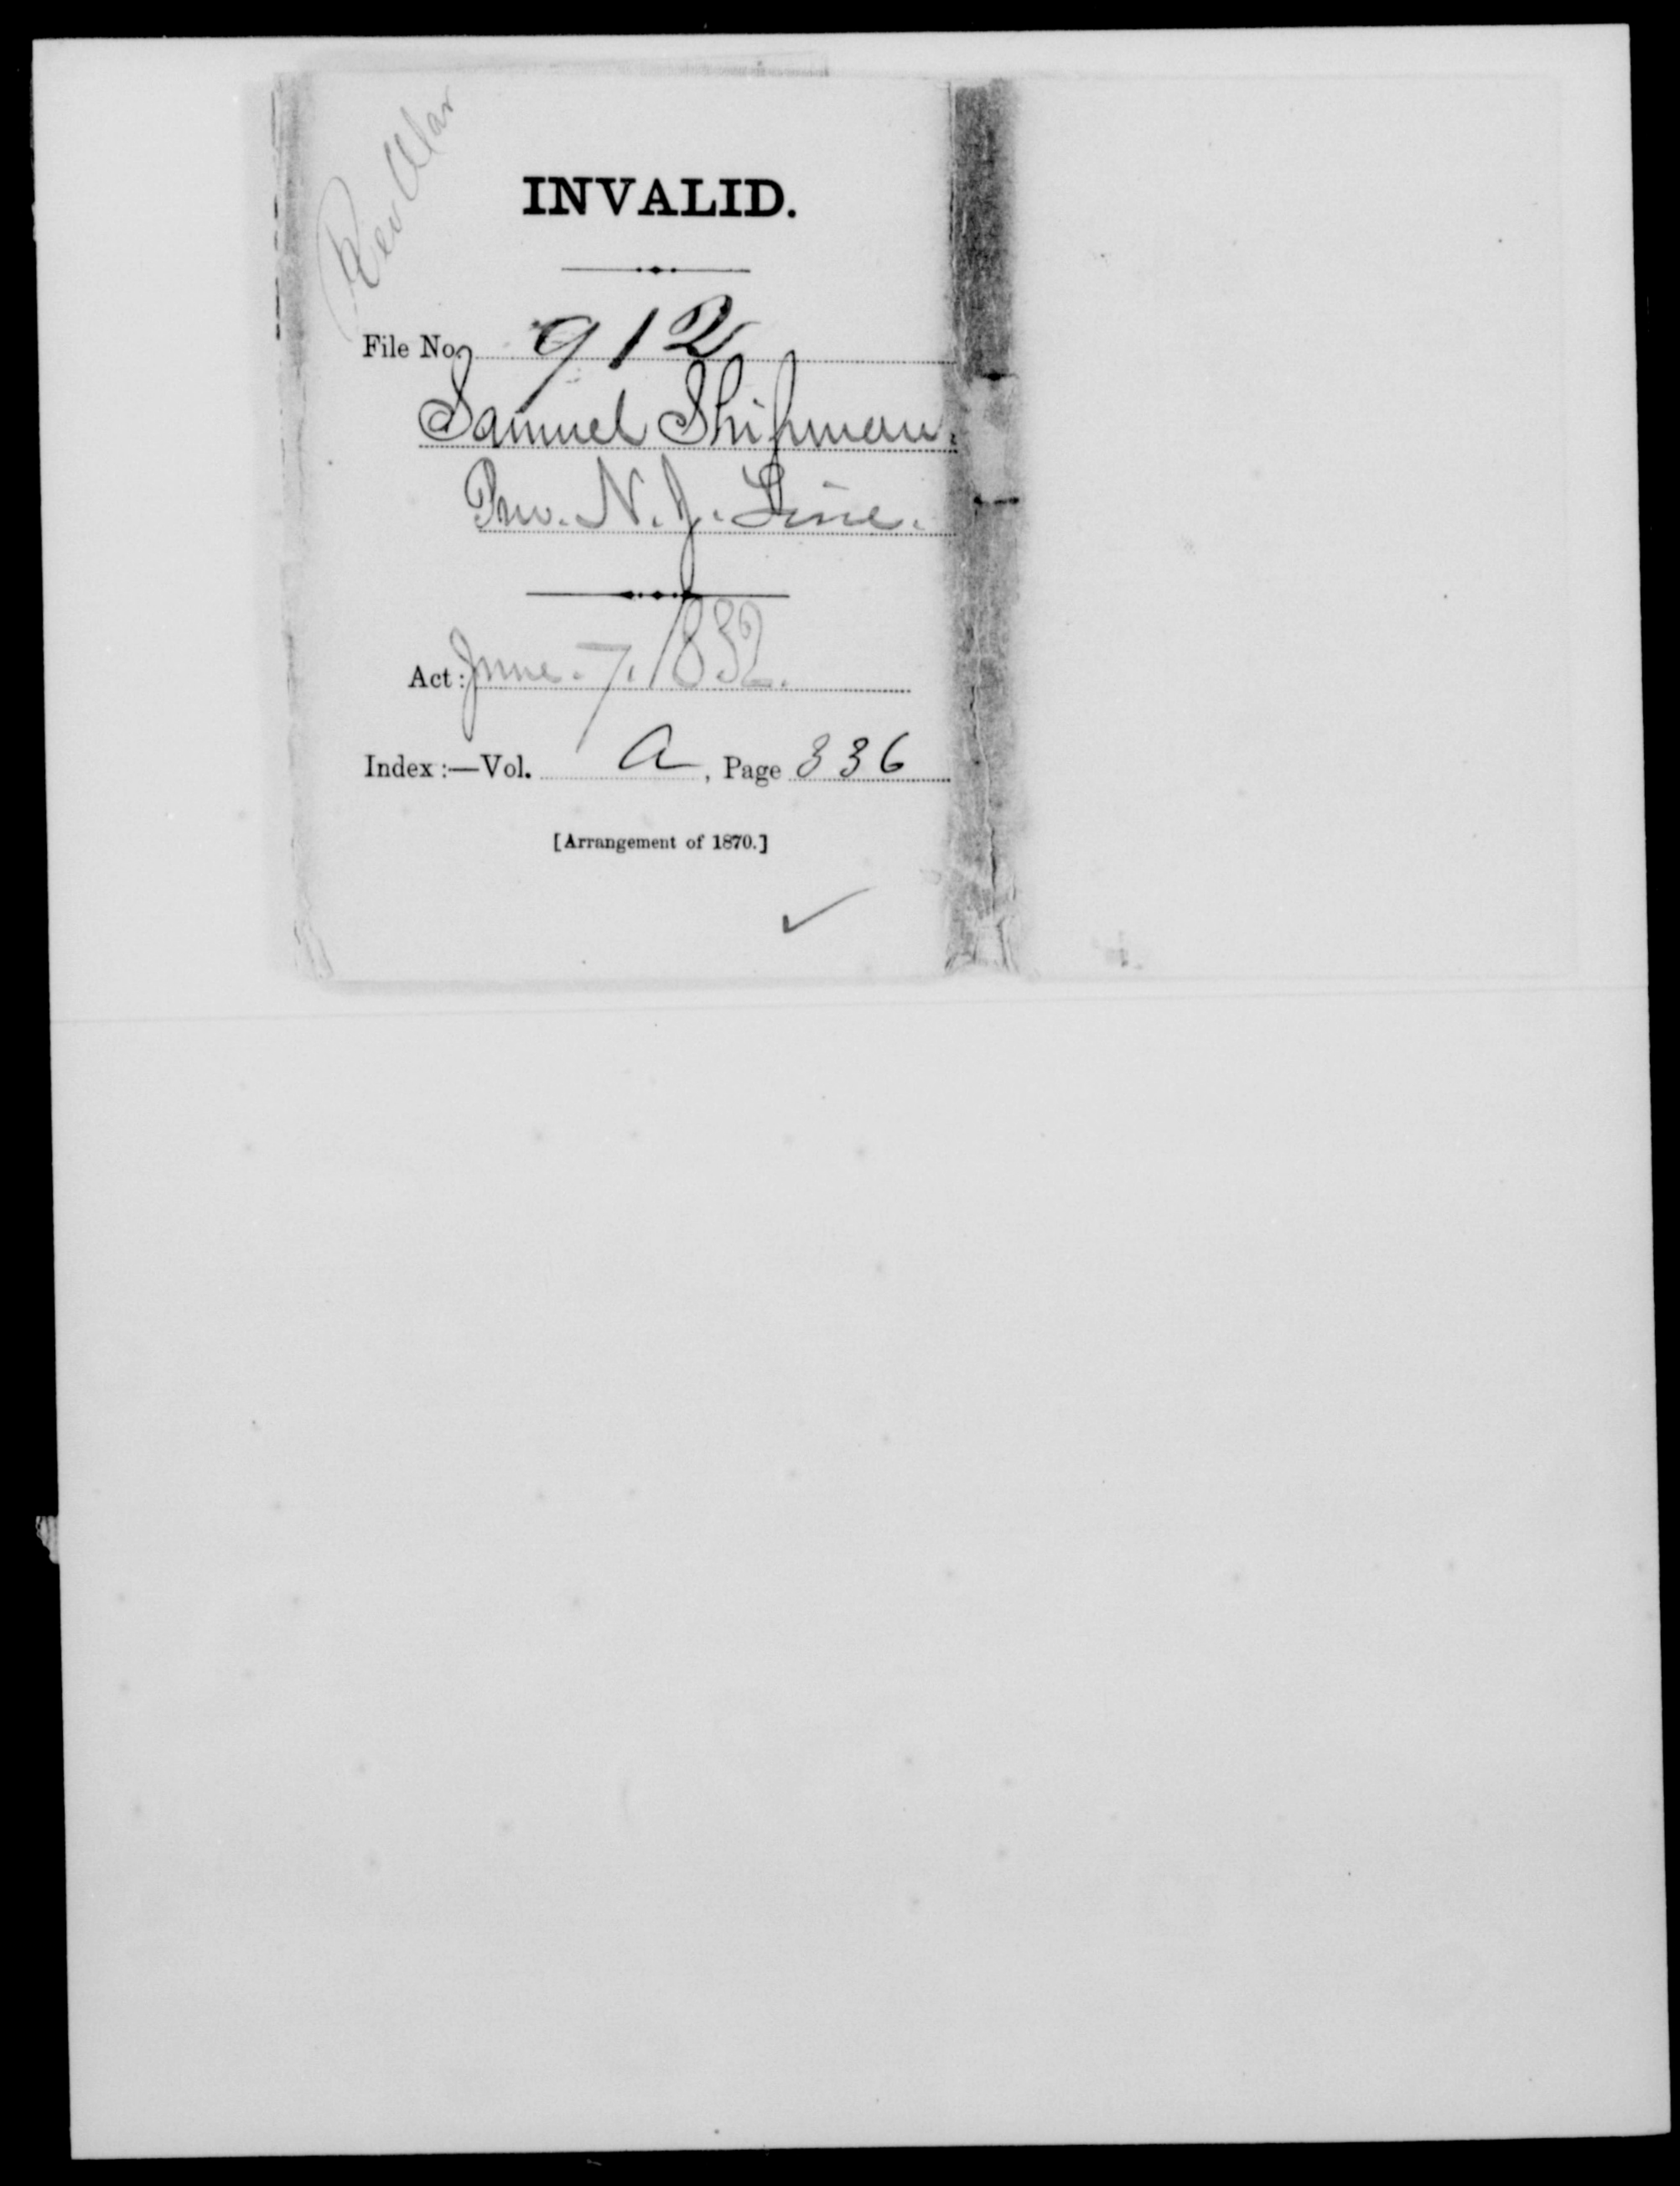Rev War
INVALID.
File No. 912
Samuel Shipman
Priv. N.J. Line.
Act: June 7. 1832
Index: --Vol. .....a.....Page 336
[Arrangement of 1870]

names: Samuel Shipman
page: 15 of 44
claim: survivor's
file: S. 912, for Samuel Shipman, New Jersey